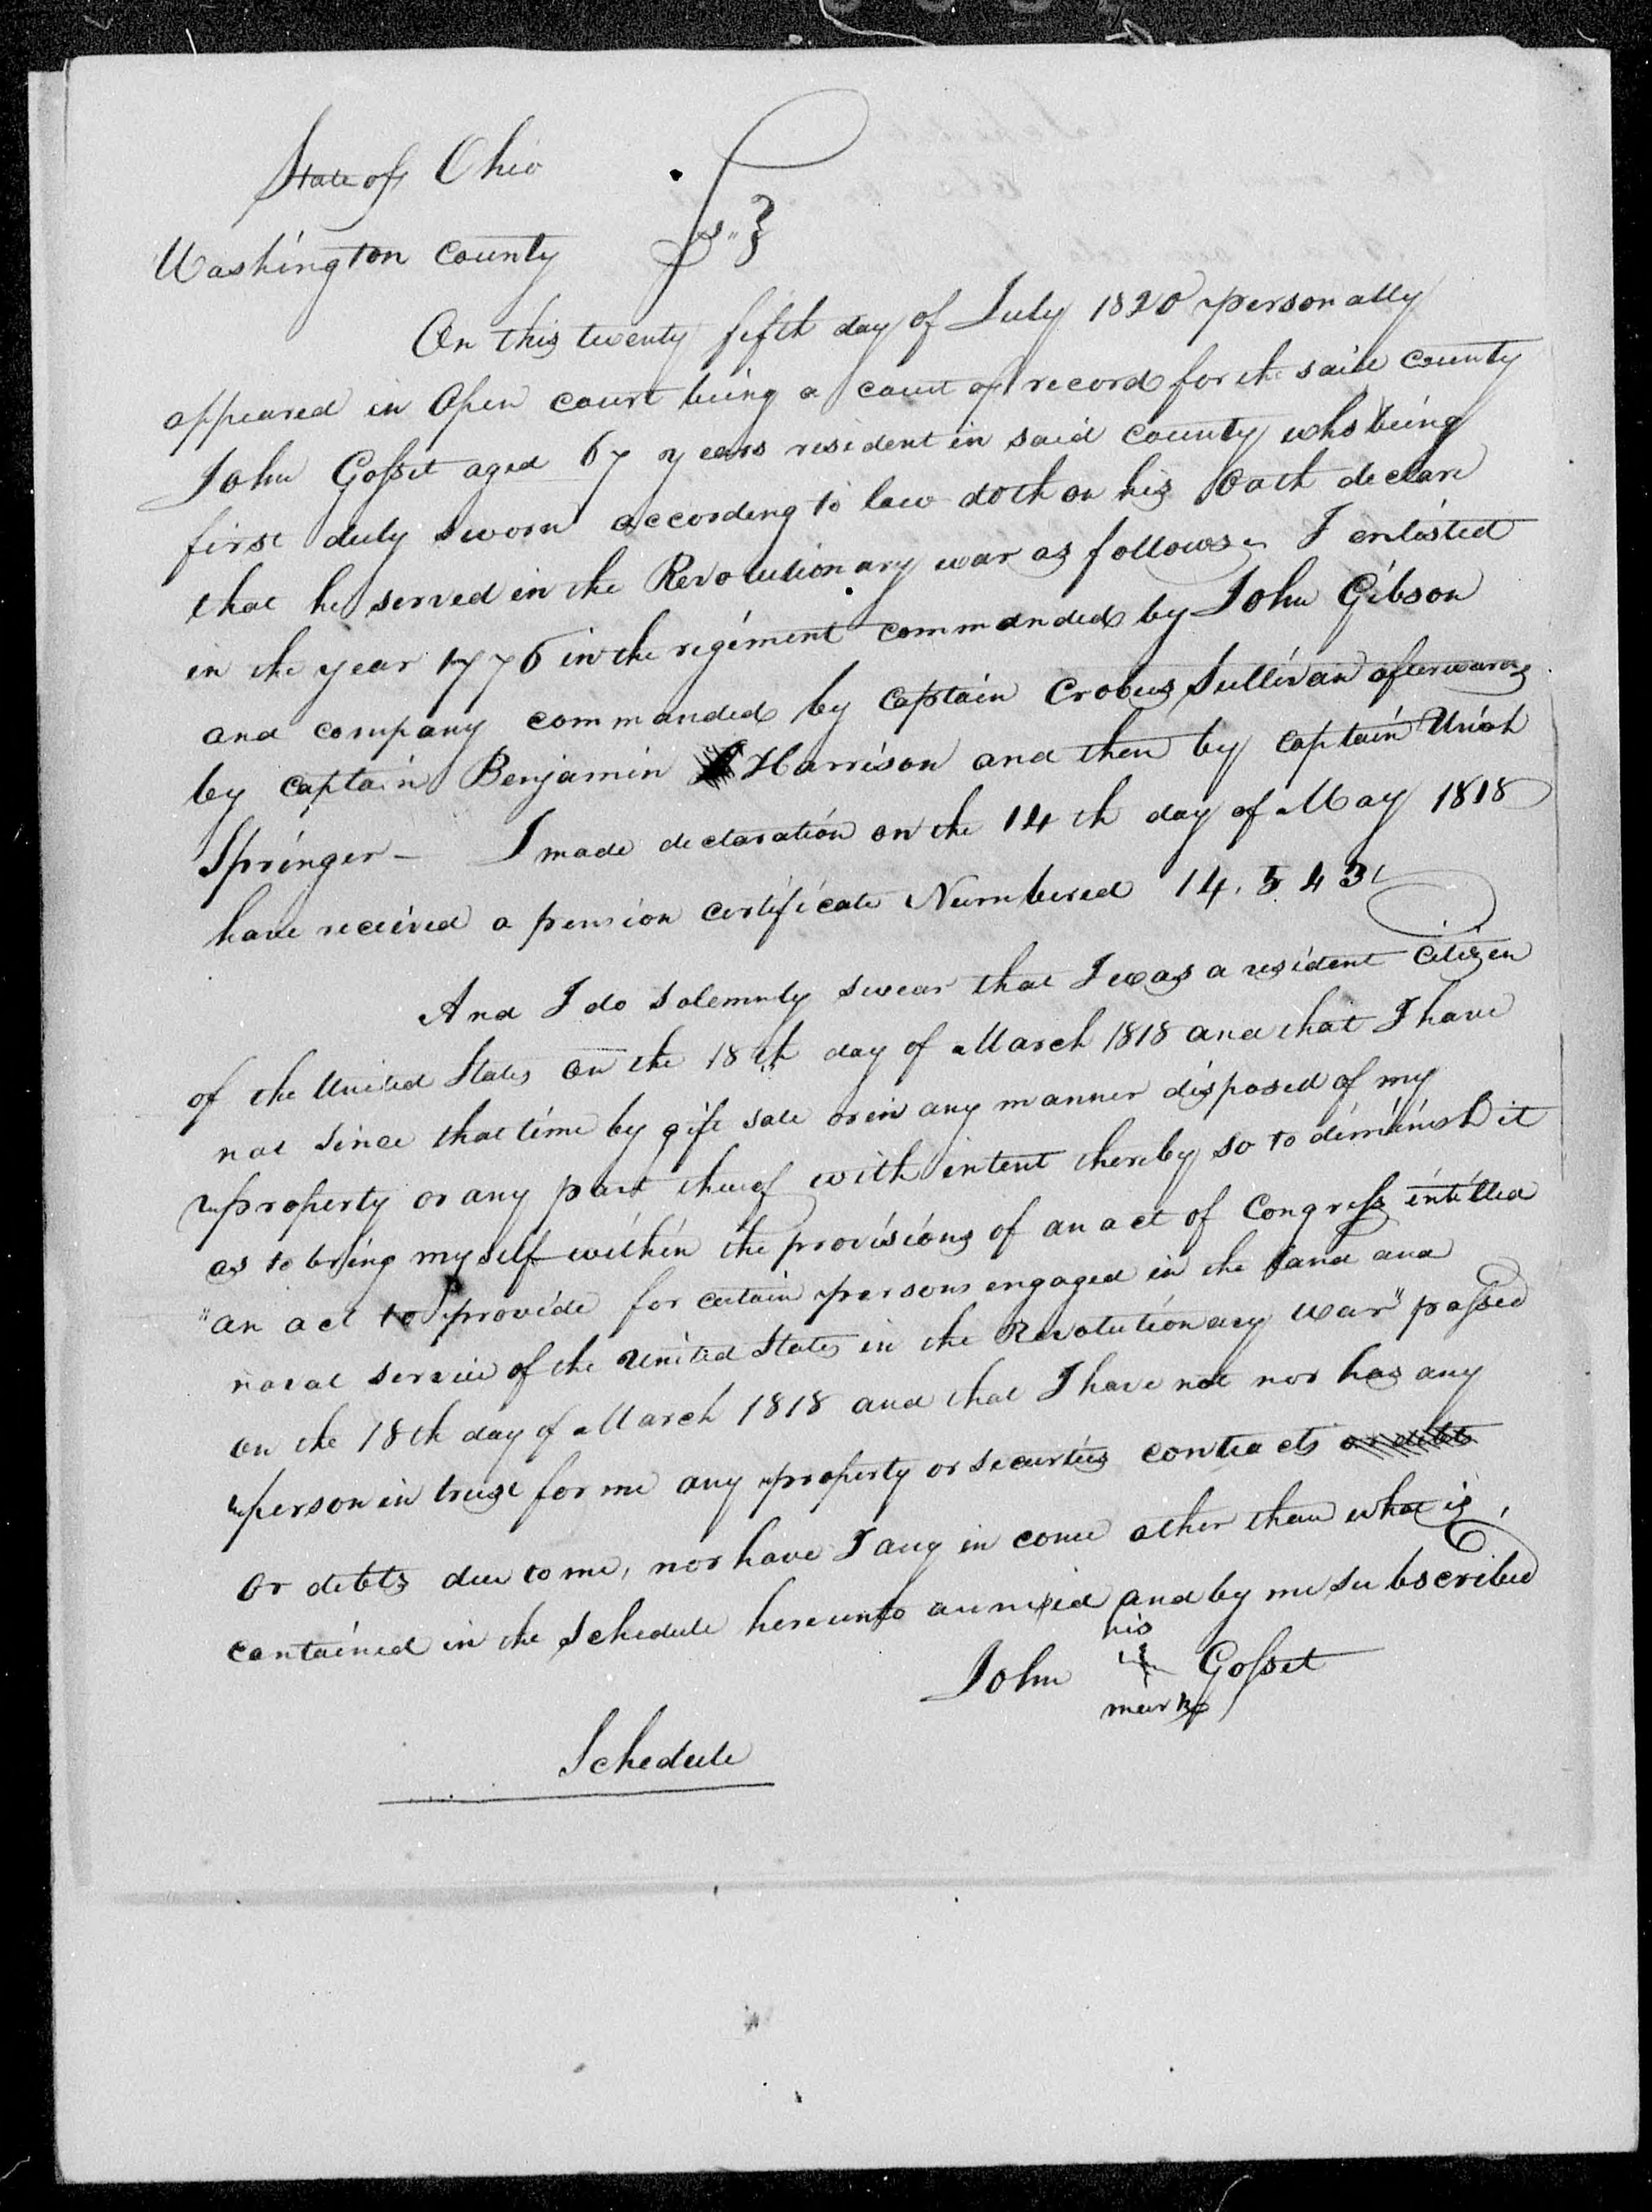State of Ohio Washington County Ss}
On this twenty fifth day of July 1820 personally appeared in Open court being a court of record for the said county John Gosset aged 67 years resident in said county who being first duly Sworn according to law doth on his oath declare that he served in the Revolutionary war as follows.~ I enlisted in the year 1776 in the regiment commanded by John Gibson and company commanded by Captain Crobus Sullivan afterwards by Captain Benjamin Harrison and then by Captain Uriah Springer~ I made declaration on the 14th day of May 1818 have received a pension certificate Numbered 14,543.
And I do solemnly swear that I was a resident citizen of the United States on the 18th day of March 1818 and that I have not since that time by gift sale or in any manner disposed of my property or any part thereof with intent thereby so to diminish it as to being myself within the provisions of an act of Congress entitled "an act to provide for certain persons engaged in the land and naval service of the United States in the Revolutionary war" passed on the 18th day of March 1818 and that I have not nor has any person in trust for my any property or securities contracts or debts due to me, nor have I any income other than what is contained in the Schedule hereunto annexed and by me subscribed.
John Gosset [signature]
his X mark
Schedule [underlined]
[continued next page]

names: John Gosset, John Gibson, Crobus Sullivan, John Gosset, Benjamin Harrison, Uriah Springer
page: 7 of 21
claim: survivor's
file: S. 42,750, John Gosset, Va.